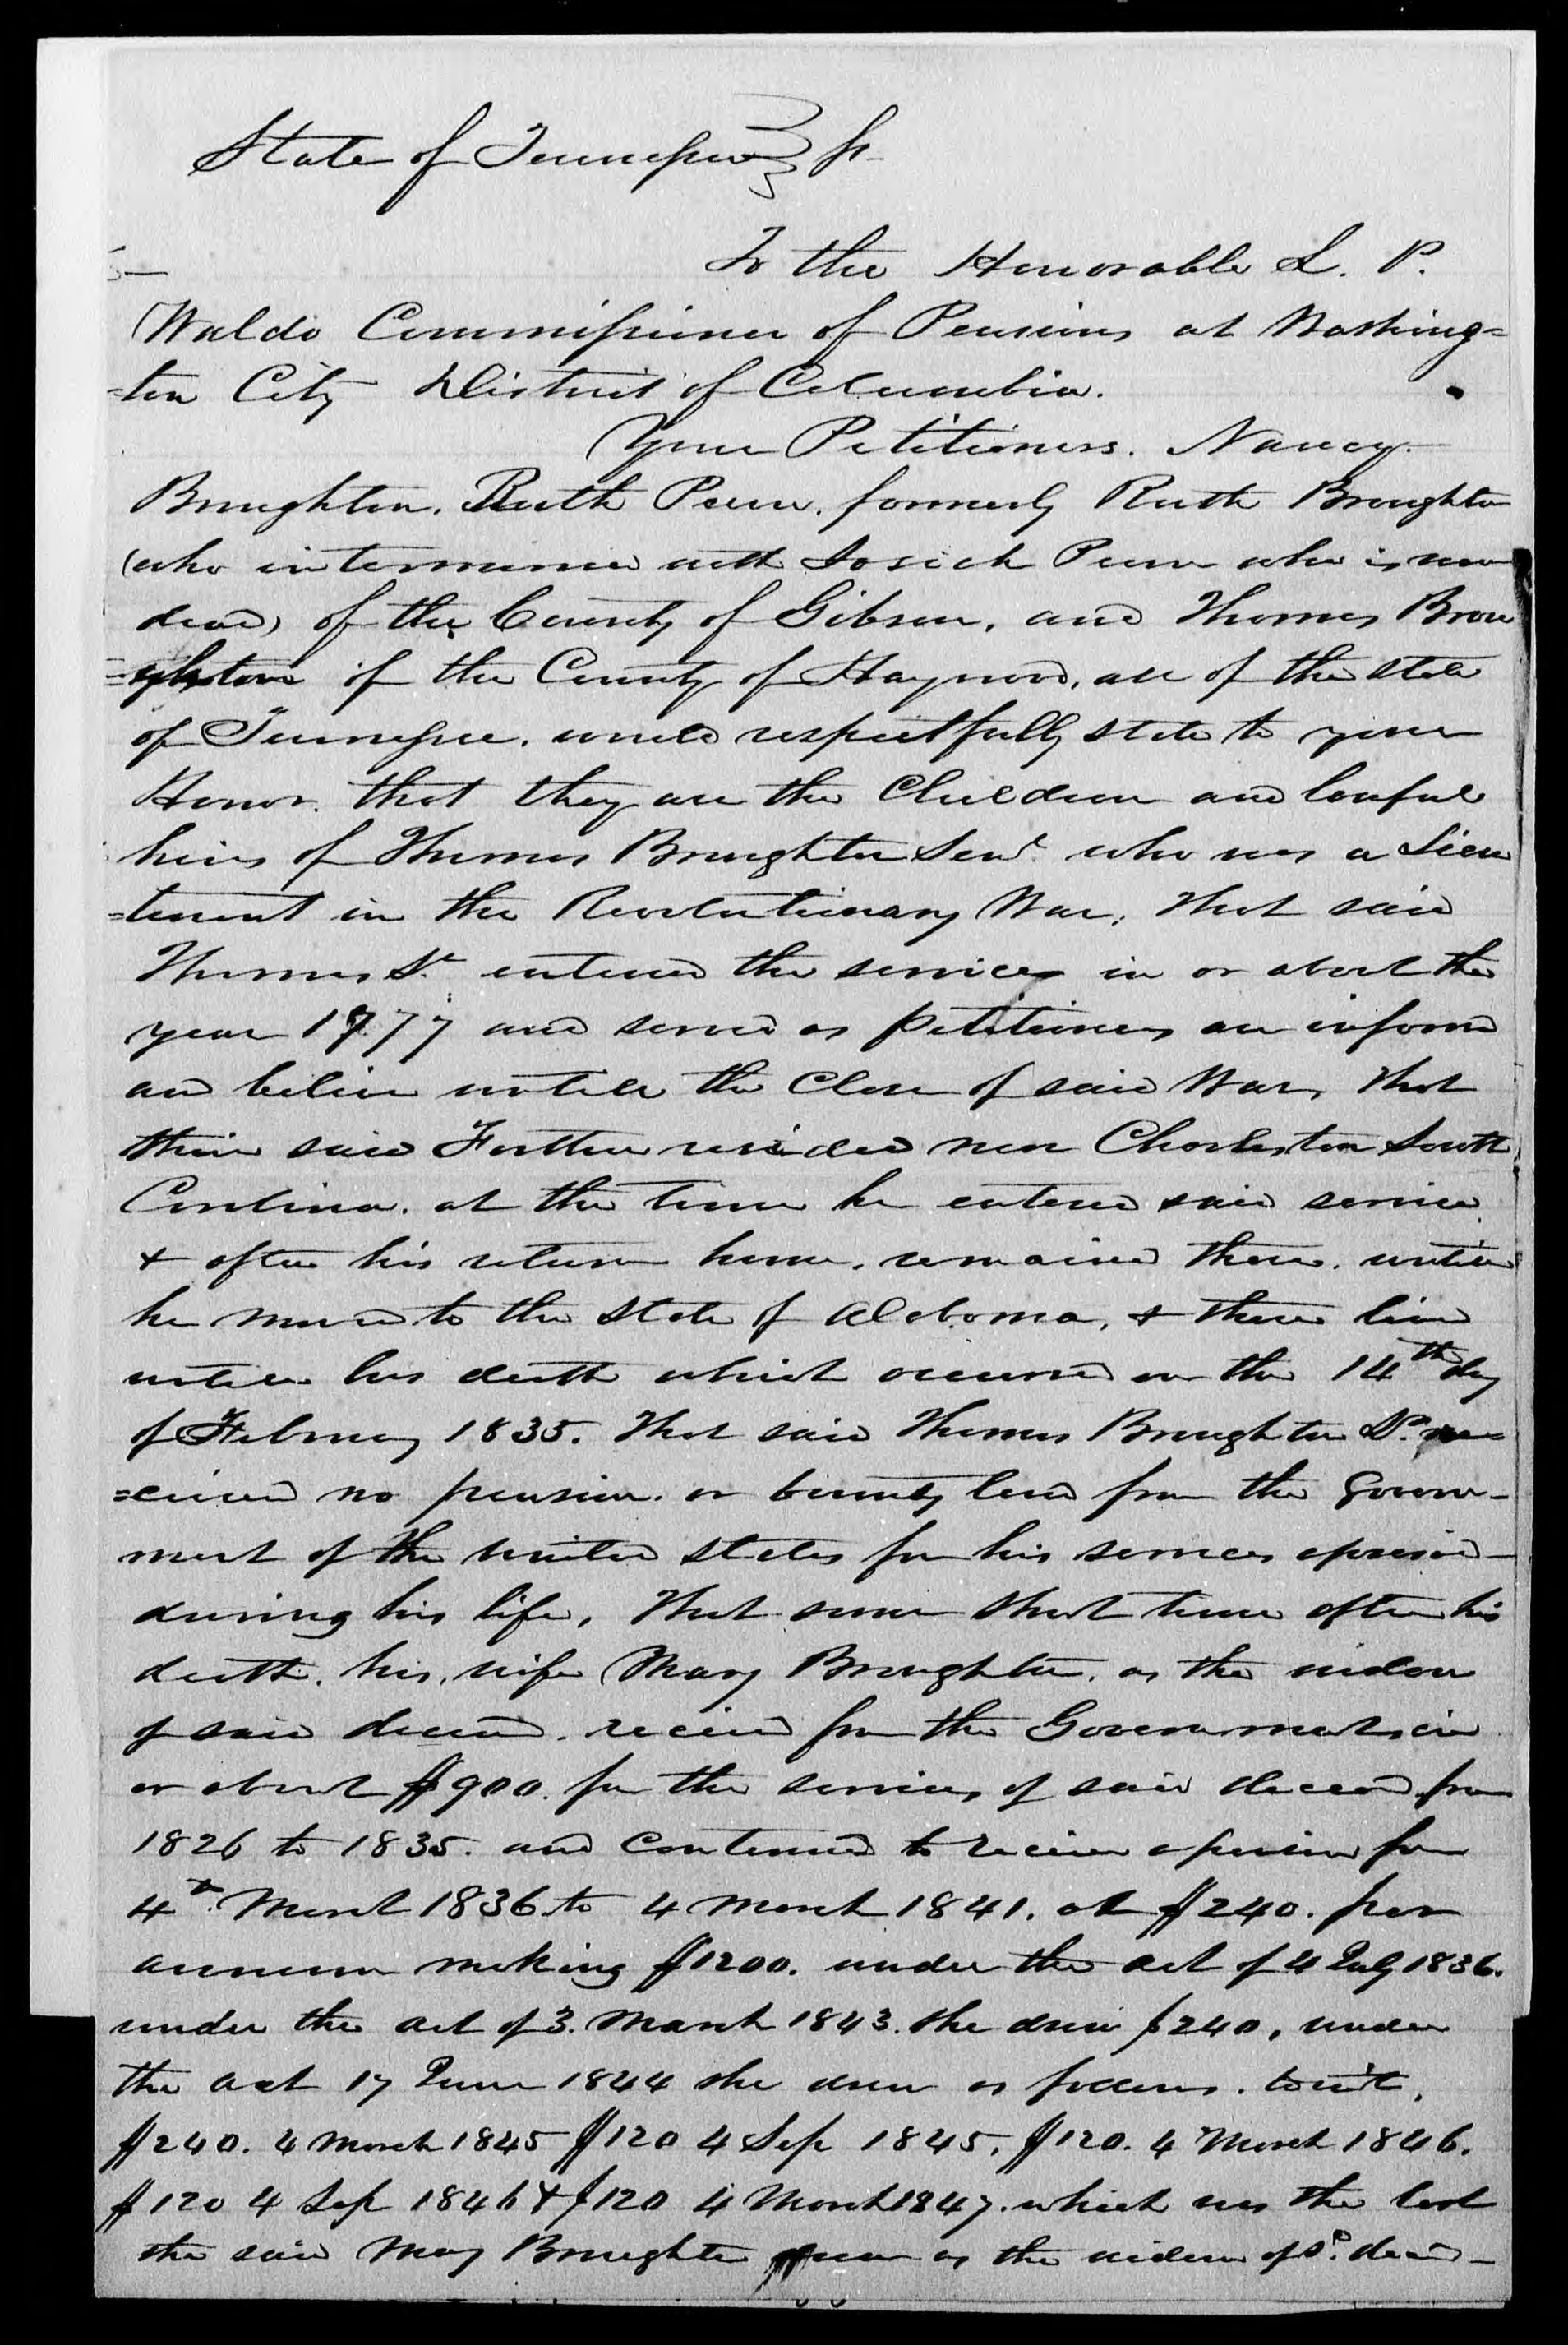State of Tennessee
To the Honorable L. P. Waldo Commissioner of Pensions at Washington City District of Columbia

Your Petitioners. Nancy Broughton, Ruth Penn, formerly Ruth Broughton (who intermarried with Josiah Penn, who is now dead,) of the County of Gibson and Thomas Broughton of the County of Haywood, all of the State of Tennessee, and respectfully state to your Honor that they are the children and lawful heirs of Thomas Broughton Senr. who was a Lieutenant in the Revolutionary War; That said Thomas entered the service in or about the year 1777 and served as petitioners are informed and believe until the close of said War, that their said Father resided near Charleston South Carolina, at the time he entered said service & after his return home, remained there until he moved  to the State of Alabama, & there lived until his death which occurred on the 14th day of February  1835. That said Thomas Broughton Received no pension or bounty land from the Government of the United States for his services aforesaid during his life, that some short time after his death his wife Mary Broughton, as the widow of said deceased received from the Government in or about $900. for the service of said deceased 1826 to 1835, and continued to receive a pension from 4th March 1836 to 4 March 1841 $240 per annum making $1200, under the act of 4 July 1836 under the act of 3 March 1843 she drew $240, under the act 17 June 1844 the drew as follows to wit $240. 4 March 1845 $120 4 Sep 1845, $120 4 March 1846. $120 4 Sep 1846 & $120 4 Mar 1847, which was the last
the said May Broughton drew as the widow of sd. dec'd -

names: Thomas Broughton, Gibson Broughton, Josiah Penn, Ruth Broughton, Ruth Penn, Mary Broughton, Mary Broughton, Nancy Broughton, Thomas Broughton, Thomas Broughton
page: 43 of 72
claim: widow's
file: W. 897, Thomas Broughton, S.C.